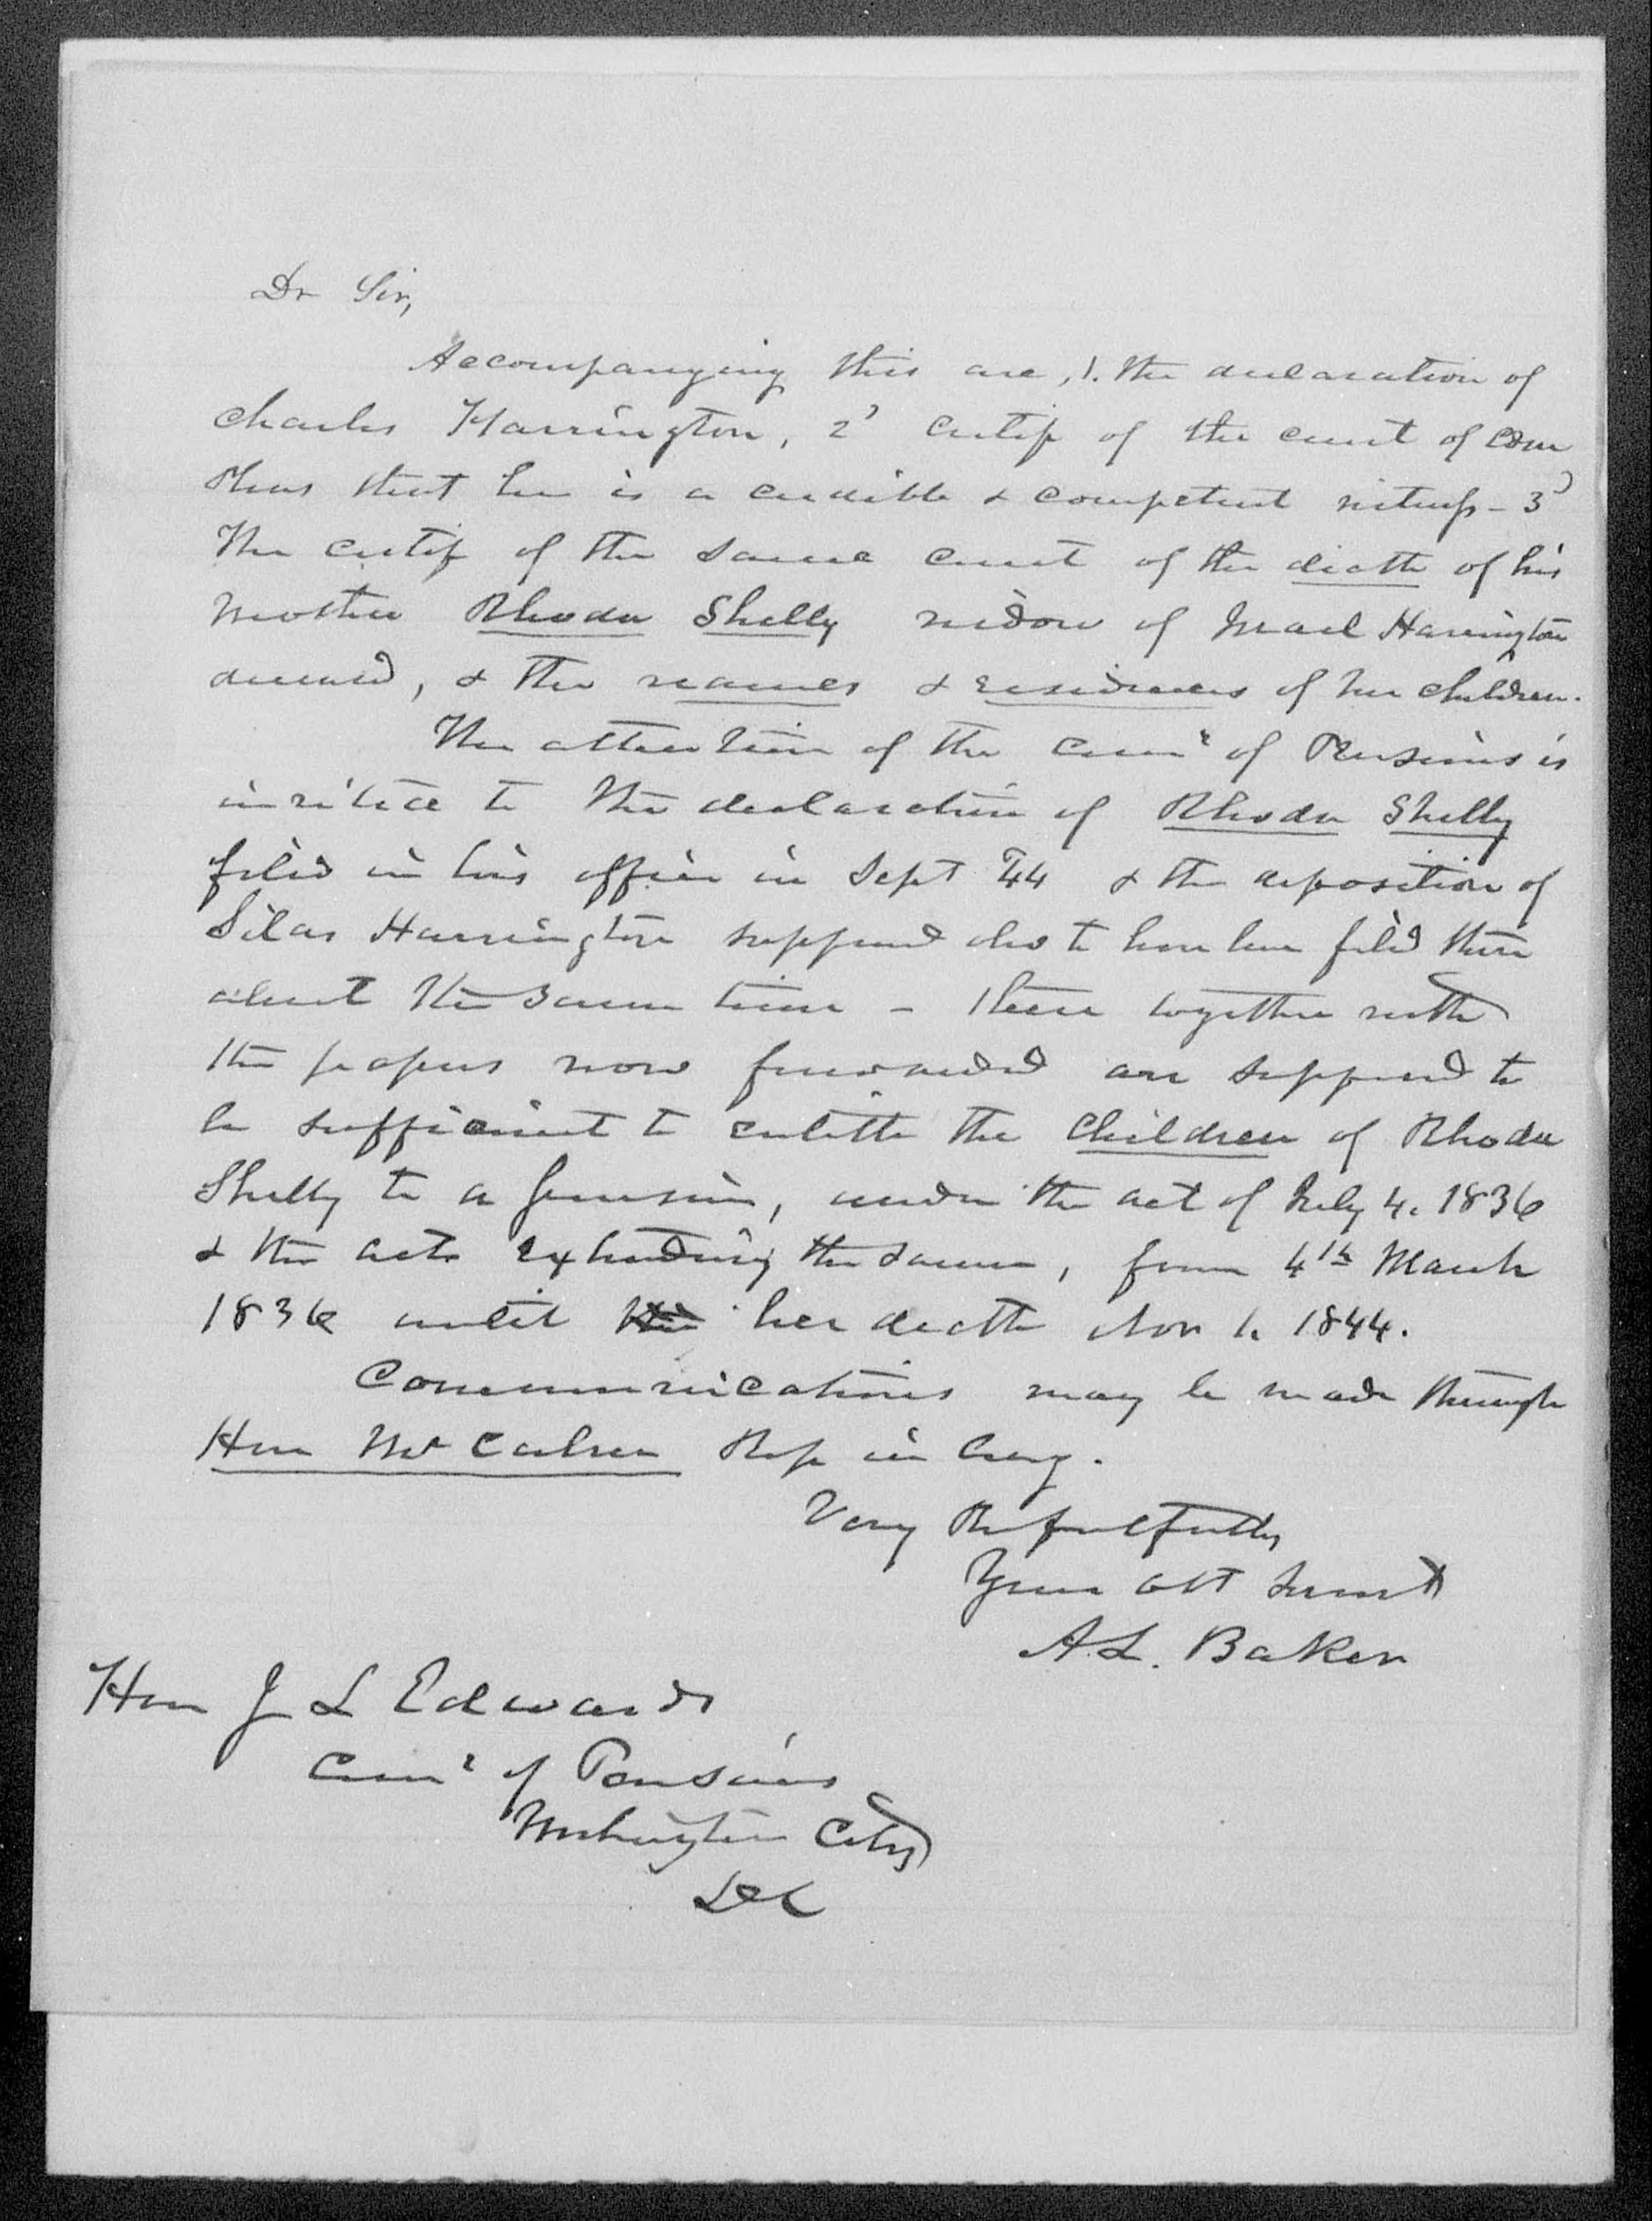Dr [Dear] Sir,

Accompanying this are, 1. the declaration of Charles Harrington, 2d Certif [Certificate] of the Court of Comm [Common] Pleas that his is a credible & competent witness -3d the Certif [Certificate] of the same Court of the death of his mother Rhoda Shelly widow of Israel Harrington deceased, & the names & residences of her children.

The attention of the Commr [Commissioner] of Pensions is [illegible] to the declaration of Rhoda Shelly filed in his office in Sept 44 & the deposition of Silas Harrington [illegible] who I have here filed them about the same time - there together with the papers now forwarded are supposed to be sufficient to entitle the children of Rhoda Shelly to a pension, under the act of July 4, 1836 & the acts extending the same, from 4th March 1836 until her death Nov 1, 1844.

Communications may be made through Hon Rep Culver Rep [Representative] in Cong [Congress].
Very Respectfully
Your obt [obedient] Servant
A. L. Baker

Hon J L Edwards
Commr [Commissioner] of Pensions
Washington City
D.C.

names: Israel Harrington, Charles Harrington, Culver, Rhoda Shelly, Silas Harrington, A L Baker, Rhoda Shelly, J L Edwards, Rhoda Shelly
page: 38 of 51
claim: widow's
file: W. 19,026, Israel Harrington, R.I.